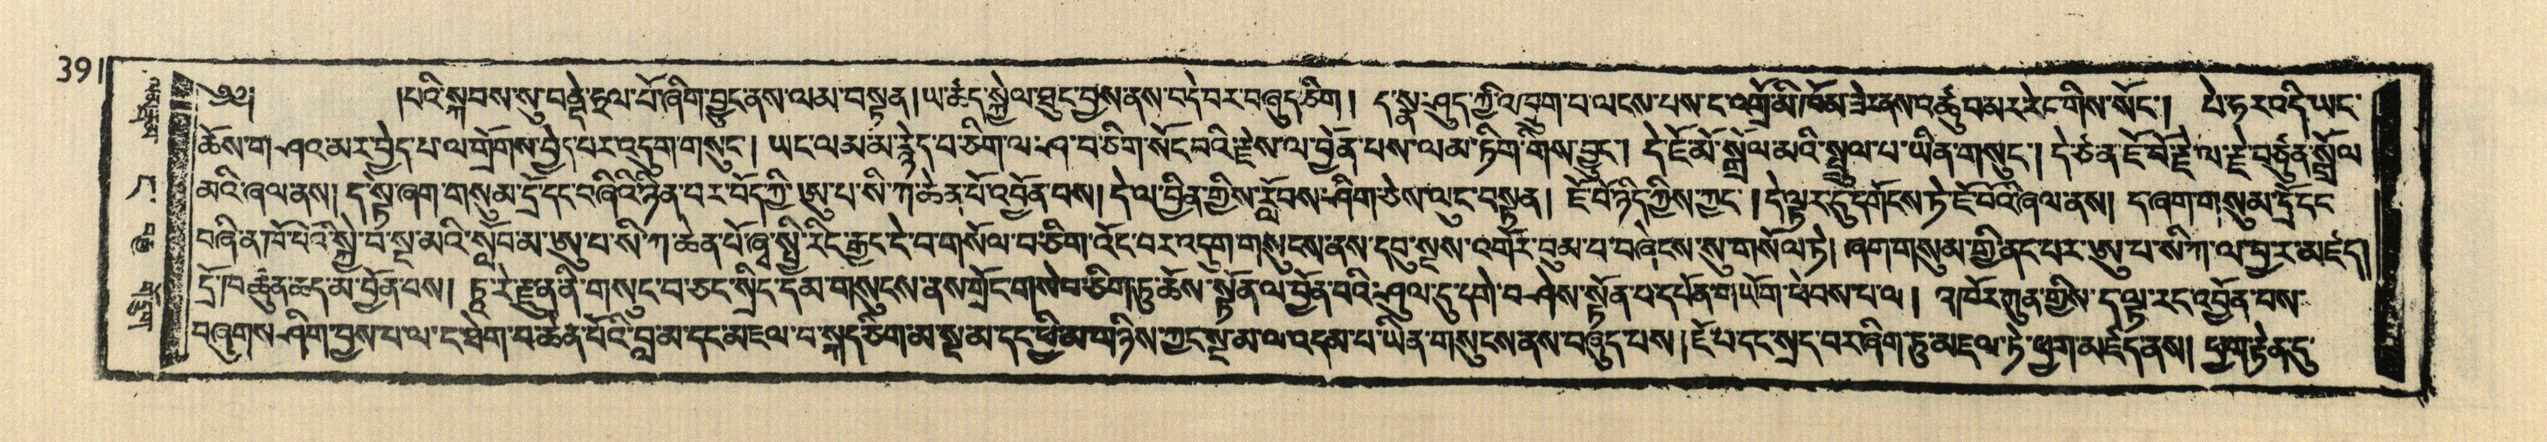༄༅། །པའི་སྐབས་སུ་བནྡེ་ཧྲལ་པོ་ཞིག་བྱུང་ནས་ལམ་བསྟན། ཡ་ཚད་སྐྱེལ་ཐུང་བྱས་ནས་བདེ་བར་བཞུད་ཅིག། ད་སྣ་ཤུད་ཀྱི་འཁྲུག་པ་ལངས་པས་ང་འགྲོ་མི་ཁོམ་ཟེར་ནས་འཚུབ་མར་རེད་གིས་སོང་། པེ་ཧ་ར་འདི་ཡང་
ཆོས་གཤའ་མར་བྱེད་པ་ལ་གྲོགས་བྱེད་པར་འདུག་གསུང་། ཡང་ལམ་མ་རྙེད་པ་ཅིག་ལ་ཤ་བ་ཅིག་སོང་བའི་རྗེས་ལ་བྱོན་པས་ལམ་ཏིག་གིས་བྱུང་། དེ་ཇོ་མོ་སྒྲོལ་མའི་སྤྲུལ་པ་ཡིན་གསུང་། དེ་ཙ་ན་ཇོ་བོ་རྗེ་ལ་རྗེ་བཙུན་སྒྲོལ་
མའི་ཞལ་ནས། ད་སྟེ་ཞག་གསུམ་དྲོ་དང་བཞིའི་ཉིན་པར་བོད་ཀྱི་ཨུ་པ་སི་ཀ་ཆེན་པོ་འབྱོན་བས། དེ་ལ་བྱིན་གྱིས་རློབས་ཤིག་ཅེས་ལུང་བསྟན། ཇོ་བོ་ཉིད་ཀྱིས་ཀྱང་། དེ་ལྟར་དུ་དགོངས་ཏེ་ཇོ་བོའི་ཞལ་ནས། ད་ཞག་གསུམ་དྲོ་དང་
བཞི་ན་ཁོ་བོའི་སྐྱེ་བ་སྔ་མའི་སློབ་མ་ཨུ་པ་སི་ཀ་ཆེན་པོ་ཞྭ་སྤྱི་རིང་རྒྱང་དེ་བ་གསོལ་བ་ཅིག་འོང་བར་འདུག་གསུངས་ནས་དབུ་སྔས་འགོར་བུམ་པ་བཞེངས་སུ་གསོལ་ཏེ། ཞག་གསུམ་གྱི་ནང་པར་ཨུ་པ་སི་ཀ་ལ་བྱ་ར་མཛད།
དྲོ་ཁ་ཚུན་ཆད་མ་བྱོན་པས། ཏཱ་རེ་རྫུན་ནི་གསུང་བ་ཅང་སྲིད་དམ་གསུངས་ནས་གྲོང་གསེབ་ཅིག་ཏུ་ཆོས་སྟོན་ལ་བྱོན་བའི་ཤུལ་དུ་དགེ་བཤེས་སྟོན་པ་དཔོན་གཡོག་ཕེབས་པ་ལ། འཁོར་ཀུན་གྱིས་ད་ལྟ་རང་འབྱོན་པས་
བཞུགས་ཤིག་བྱས་པ་ལ་ང་ཐེག་བ་ཆེན་པོའི་བླ་མ་དང་མཇལ་བ་སྐད་ཅིག་མ་སྔ་མ་དང་ཕྱི་མ་གཉིས་ཀྱང་སྔ་མ་ལ་འདམ་པ་ཡིན་གསུངས་ནས་བཞུད་པས། ཇོ་བ་དང་སྲད་བར་ཞིག་ཏུ་མཇལ་ཏེ་ཕྱག་མཛད་ནས། ཕྱག་རྟེན་དུ་